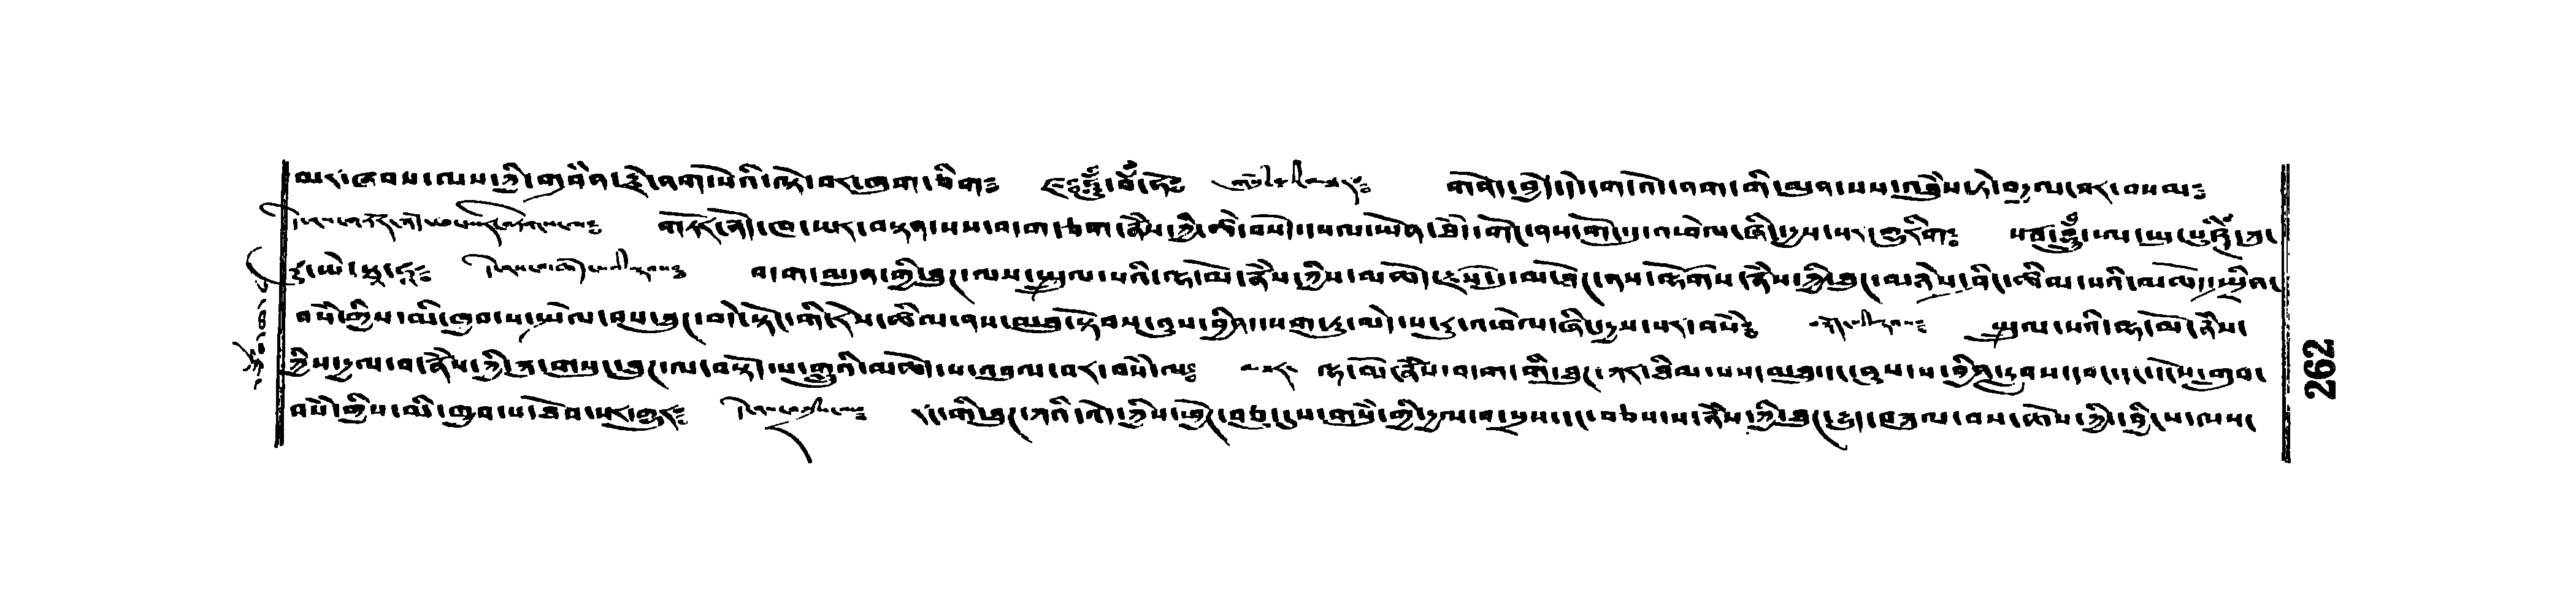མར་ཞབས་ལས་ཀྱི་གཤིན་རྗེ་ནག་པོའི་ལྟོ་བར་ཁུག་ཅིག༔ ཛཿཧཱུྃ་བྃ་ཧོཿ གསུམ་གྱི་མཐར༔ གནོད་བྱེད་དེ་དག་འོད་ནག་གི་མུན་པས་འཐུ་མས་ཏེ་བརྒྱལ་བར་བསམ༔ 
དེ་ནས་གཏོར་སྣོད་ཁ་ཡར་བཏེགས་ལ༔གཏོར་སྣོད་ཁ་ཡར་བསྟན་པས་བདག་ཅག་རྣམས་ཀྱི་ཚེ་བསོད་དཔལ་ཡོན་ཐམས་ཅད་གོང་ནས་གོང་དུ་འཕེལ་ཞིང་རྒྱས་པར་གྱུར་ཅིག༔ སརྦ་བྷྲཱུྃ་ཨ་ཡུ་པུཥྚིཾ་ཀུ་
རུ་ཡེ་སྭཱ་ཧཱཿ དེ་ནས་མཆོད་པའི་སྐབས༔ བདག་མདུན་གྱི་ཐུགས་ལས་སྤྲུལ་པའི་ལྷ་མོ་རྣམས་ཀྱི་མཆོད་རྫས་དུ་མ་ཐོགས་ནས་ལྷ་ཚོགས་རྣམས་ཀྱི་ཐུགས་མཉེས་ཤིང་ཚིམ་པའི་མཆོད་སྤྲིན་
བསམ་གྱིས་མི་ཁྱབ་པ་སྤེལ་བས་ཐུགས་བདེ་སྟོང་གི་རོས་ཚིམས་ནས་མཐུ་སྟོབས་ནུས་བྱིན་དཔག་ཏུ་མེད་པ་རུ་འཕེལ་ཞིང་རྒྱས་པར་བསམ༔ བསྟོད་པའི་སྐབས༔ སྤྲུལ་བའི་ལྷ་མོ་རྣམས་
ཀྱིས་རྒྱལ་བ་རྣམས་ཀྱི་སྐུ་གསུང་ཐུགས་ལ་བསྟོད་པ་གླུའི་མཆོད་པ་འབུལ་བར་བསམ་ལ༔ མཐར༔ ལྷ་མོ་རྣམས་བདག་གི་ཐུགས་ཀར་ཐིམ་པས་མཐུ་དང་ནུས་པ་བྱིན་རླབས་དབང་དང་དངོས་གྲུབ་
བསམ་གྱིས་མི་ཁྱབ་པ་ཐོབ་པར་གྱུར༔ དེ་ནས་བཀྲ་ཤིས་ལ༔ རང་གི་ཐུགས་ཀའི་འོད་ཀྱིས་ཕྱོགས་བཅུ་དུས་གསུམ་གྱི་རྒྱལ་བ་སྲས་དང་བཅས་པ་རྣམས་ཀྱི་ཐུགས་རྒྱུད་བསྐུལ་བས་ཆོས་ཀྱི་དབྱིངས་ལས་